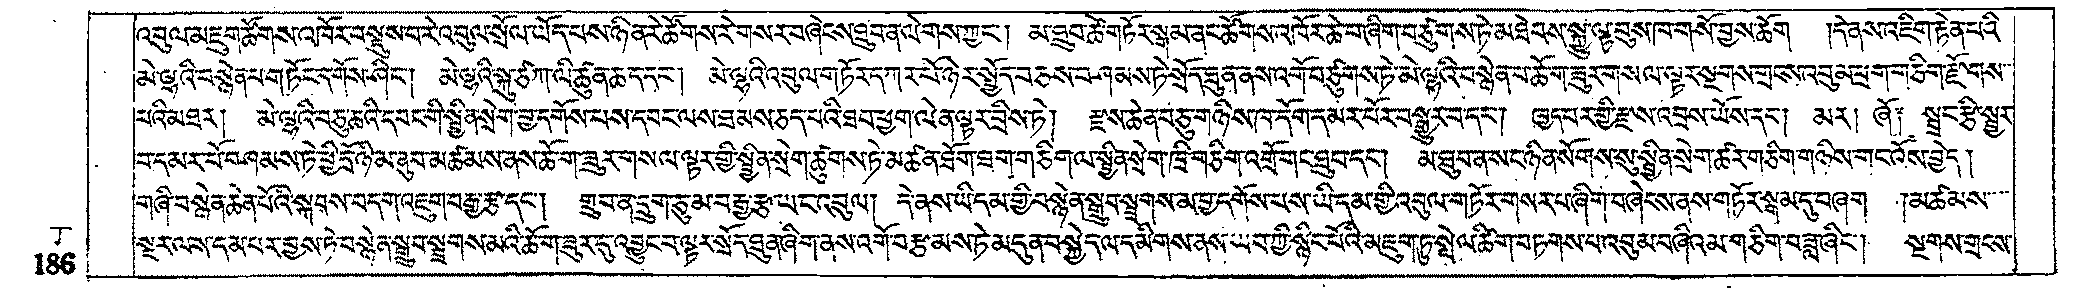འབུལ་མཇུག་ཚོགས་འཁོར་བསྡུས་པ་རེ་འབུལ་སྲོལ་ཡོད་པས་ཉིན་རེ་ཚོགས་རེ་གསར་བཞེངས་ཐུབ་ན་ལེགས་ཀྱང་། མ་ཐུབ་ཚེ་གཏོར་སྒམ་ནང་ཚོགས་འཁོར་ཆེ་བ་ཞིག་བཙུགས་ཏེ་མཐེབས་སྐྱུ་ལྟ་བུས་ཁ་གསོ་བྱས་ཆོག །དེ་ནས་འཇིག་རྟེན་པའི་
མེ་ལྷའི་བསྙེན་པ་གཏོང་དགོས་ཤིང་། མེ་ལྷའི་སྐུ་ཙཀ་ལི་ཚུན་ཆད་དང་། མེ་ལྷའི་འབུལ་གཏོར་དཀར་པོ་ཉེར་སྤྱོད་བཅས་བཤམས་ཏེ་སྲོད་ཐུན་ནས་འགོ་བཙུགས་ཏེ་མེ་ལྷའི་བསྙེན་པ་ཆོ་ག་ཟུར་གསལ་ལྟར་སྔགས་གྲངས་འབུམ་ཕྲག་གཅིག་རྫོགས་
པའི་མཐར། མེ་ལྷའི་བཅུ་ཆའི་དབང་གི་སྦྱིན་སྲེག་བྱ་དགོས་པས་དབང་ལས་ཐམས་ཅད་པའི་ཐབ་ཕྱག་ལེན་ལྟར་བྲིས་ཏེ། རྫས་ཆེན་བཅུ་གཉིས་ཁ་དོག་དམར་པོར་བསྒྱུར་བ་དང་། ཁྱད་པར་གྱི་རྫས་འབྲས་ཡོས་དང་། མར། ཞོ༑ སྦྲང་རྩི་སྦྱར་
བ་དམར་པོ་བཤམས་ཏེ་ཕྱི་དྲོ་ཉི་མ་ནུབ་མཚམས་ནས་ཆོ་ག་ཟུར་གསལ་ལྟར་གྱི་སྦྱིན་སྲེག་ཚུགས་ཏེ་མཚན་ཐོག་ཐག་གཅིག་ལ་སྦྱིན་སྲེག་ཁྲི་གཅིག་འགྲོ་གང་ཐུབ་དང་། མ་ཐུབ་ན་སང་ཉིན་སོགས་སུ་སྦྱིན་སྲེག་ཚར་གཅིག་གཉིས་གང་འོས་བྱེད།
གཞི་བསྙེན་ཆེན་པོའི་སྐབས་བདག་འཇུག་བརྒྱ་རྩ་དང་། གྲུབ་ན་དྲུག་ཅུ་མ་བརྒྱ་རྩ་ཡང་འབུལ། དེ་ནས་ཡི་དམ་གྱི་བསྙེན་སྒྲུབ་སྦྲགས་མ་བྱ་དགོས་པ་ཡི་དམ་གྱི་འབུལ་གཏོར་གསར་པ་ཞིག་བཞེངས་ནས་གཏོར་སྒམ་དུ་བཞག །མཚམྶ་་་
སྔར་ལས་དམ་པར་བྱས་ཏེ་བསྙེན་སྒྲུབ་སྦྲགས་མའི་ཆོ་ག་ཟུར་དུ་འབྱུང་བ་ལྟར་སྲོད་ཐུན་ཞིག་ནས་འགོ་བརྩམས་ཏེ་མདུན་བསྐྱེད་ལ་དམིགས་ནས་ཡབ་ཀྱི་སྙིང་པོའི་མཇུག་ཏུ་སྤེལ་ཚིག་བཏགས་པ་འབུམ་བཞིའམ་གཅིག་བཟླ་ཞིང་། སྔགས་གྲངས་